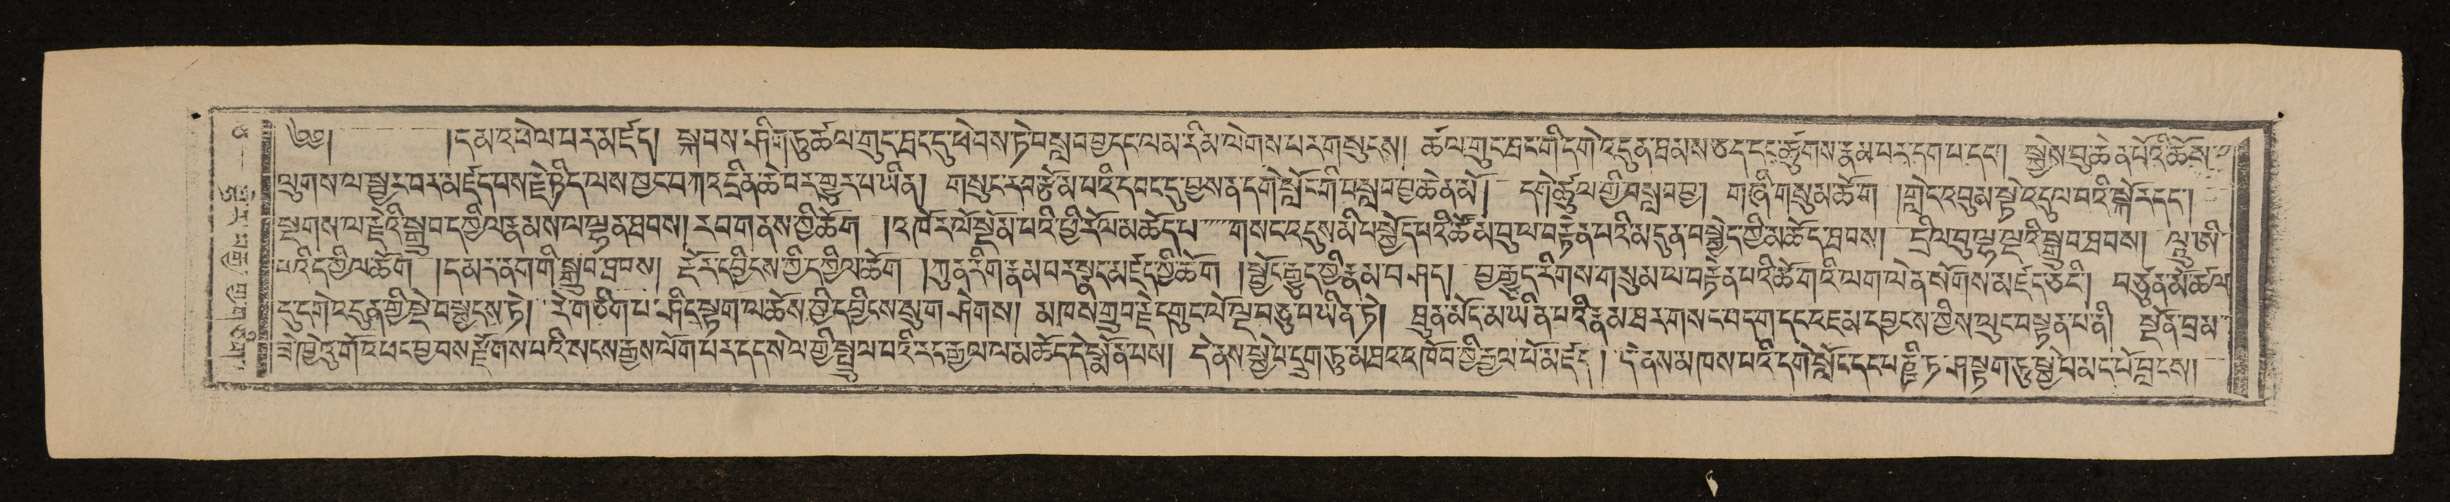༄༅། །དམ་འཕེལ་བར་མཛད། སྐབས་ཤིག་ཏུ་ཚལ་གུང་ཐང་དུ་ཕེབས་ཏེ་བསླབ་བྱ་དང་ལམ་རིམ་ལེགས་པར་གསུངས། ཚལ་གུང་ཐང་གི་དགེ་འདུན་ཐམས་ཅད་དང་ཚུགས་རྣམ་པར་དག་པ་དང་། སྐྱེས་བུ་ཆེན་པོའི་ཆོས་
ལུགས་ལ་སྦྱར་བར་མཛད་པས་རྗེ་ཉིད་ལས་ཀྱང་བཀའ་དྲིན་ཆེ་བར་གྱུར་པ་ཡིན། གསུང་རབ་རྩོམ་པའི་དབང་དུ་བྱས་ན་དགེ་སློང་གི་བསླབ་བྱ་ཆེན་མོ། དགེ་ཚུལ་གྱི་བསླབ་བྱ། གཞི་གསུམ་ཆོ་ག །གླེང་འབུམ་སྟེ་འདུལ་བའི་སྐོར་དང་།
སྔགས་ལ་རྗེའི་སྒྲུབ་དཀྱིལ་རྣམས་ལ་ལྷན་ཐབས། རབ་གནས་ཀྱི་ཆོ་ག །འཁོར་ལོ་སྡོམ་པའི་ཕྱི་རོལ་མཆོད་པ། གསང་འདུས་མི་བསྐྱོད་པའི་ཚོམ་བུ་ལ་བརྟེན་པའི་མདུན་བསྐྱེད་ཀྱི་མཆོད་ཐབས། དྲིལ་བུ་ལྷ་ལྔའི་སྒྲུབ་ཐབས། ལཱུ་ཨི་
ངའི་དཀྱིལ་ཆོག །དམར་ནག་གི་སྒྲུབ་ཐབས། རྡོར་དབྱིངས་ཀྱི་དཀྱིལ་ཆོག །ཀུན་རིག་རྣམ་པར་སྣང་མཛད་ཀྱི་ཆོ་ག །སྦྱོང་རྒྱུད་ཀྱི་རྣམ་བཤད། བྱ་རྒྱུད་རིགས་གསུམ་ལ་བརྟེན་པའི་ཆོ་གའི་ལག་ལེན་སོགས་མཛད་ཅིང་། བཙུན་མོ་ཚལ་
དུ་དགེ་འདུན་གྱི་སྡེ་བསྐྱངས་ཏེ། རེ་གཅིག་པ་ཤིང་སྟག་ལ་ཆོས་ཀྱི་དབྱིངས་སུ་གཤེགས། མཁས་གྲུབ་རྗེ་དགུང་ལོ་ལྔ་བཅུ་བ་ཡིན་ཏེ། ཐུན་མོང་མ་ཡིན་པའི་རྣམ་ཐར་གསང་བདག་དང་འཇམ་དབྱངས་ཀྱིས་ལུང་བསྟན་པ་ནི། སྔོན་བྲམ་
ཟེ་ཁྱེའུ་གོ་འཕང་བྱ་བས་རྫོགས་པའི་སངས་རྒྱས་ལོག་པར་དད་སེལ་གྱི་སྤྲུལ་པའི་རང་རྒྱལ་ལ་མཆོད་དེ་སྨོན་པས། དེ་ནས་སྐྱེ་བ་དྲུག་ཏུ་མཐའ་འཁོབ་ཀྱི་རྒྱལ་པོ་མཛད། དེ་ནས་མཁས་པའི་དགེ་སློང་དང་པཎྜི་ཏ་ཤ་སྟག་ཏུ་སྐྱེ་བ་མང་པོ་བླངས།